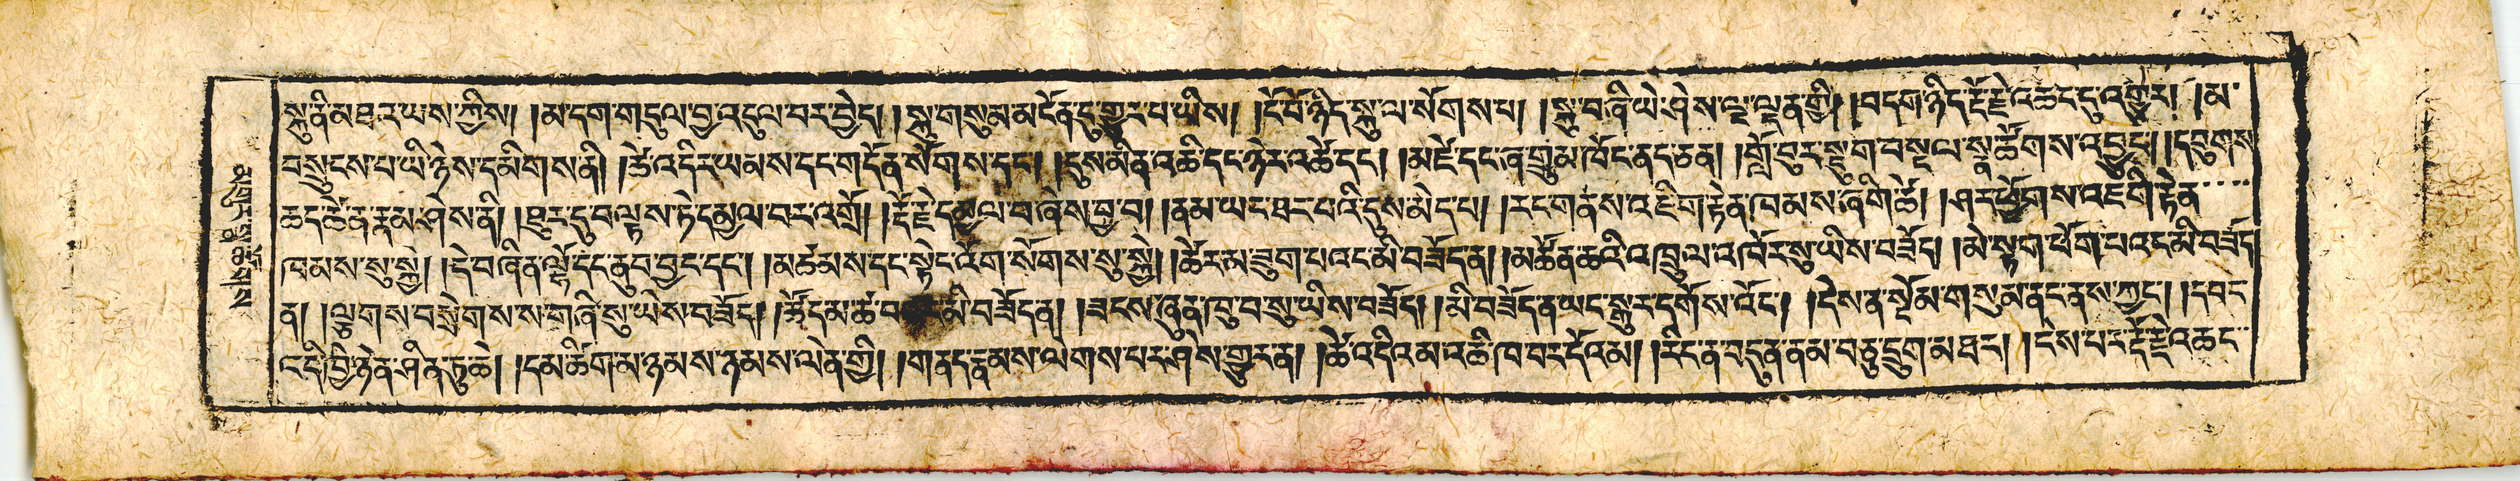སྐུ་ནི་མཐའ་ཡས་ཀྱིས། །མ་དག་གདུལ་བྱ་འདུལ་བར་བྱེད། །སྐུ་གསུམ་མངོན་དུ་གྱུར་པ་ཡིས། །ངོ་བོ་ཉིད་སྐུ་ལ་སོགས་པ། །སྐུ་བཞི་ཡེ་ཤེས་ལྔ་ལྡན་གྱི། །བདག་ཉིད་རྡོ་རྗེ་འཆང་དུ་འགྱུར། །མ་
བསྲུངས་པ་ཡི་ཉེས་དམིགས་ནི། །ཚེ་འདིར་ཡམས་དང་གདོན་སོགས་དང་། །དུས་མིན་འཆི་དང་ཉེར་འཚོ་དང། །མཛེ་དང་ཞ་གྲུམ་ཁོང་ནད་ཅན། །གློ་བུར་སྡུག་བསྔལ་སྣ་ཚོགས་འབྱུང་། །དབུགས་
ཆད་ཚེ་ན་རྣམ་ཤེས་ནི། །ཐུར་དུ་བལྟས་ཏེ་དམྱལ་བར་འགྲོ། །རྡོ་རྗེ་དམྱལ་བ་ཞེས་བྱ་བ། །ནམ་ཡང་ཐར་པའི་དུས་མེད་པ། །རང་གནས་འཇིག་རྟེན་ཁམས་ཞིག་ཚེ། །ཤར་ཕྱོགས་འཇིག་རྟེན་
ཁམས་སུ་སྐྱེ། །དེ་བཞིན་ལྷོ་དང་ནུབ་བྱང་དང་། །མཚམས་དང་སྟེང་འོག་སོགས་སུ་སྐྱེ། །ཚོར་མ་ཟུག་པའང་མི་བཟོད་ན། །མཚོན་ཆའི་འཁྲུལ་འཁོར་སུ་ཡིས་བཟོད། །མེ་སྟག་ཕོག་པའང་མི་བཟོད་
ན། །ལྕགས་བསྲེགས་ས་གཞི་སུ་ཡིས་བཟོད། །ཚེར་མ་ཚ་བ་མི་བཟོད་ན། །ཟངས་ཞུན་ཁུ་བ་སུ་ཡིས་བཟོད། །མི་བཟོད་ན་ཡང་སྐུར་དགོས་འོང་། །དེས་ན་སྡོམ་གསུམ་ནང་ནས་ཀྱང་། །དབང་
འདི་ཁེ་ཉེན་ཤིན་ཏུ་ཆེ། །དམ་ཚིག་མ་ཉམས་ཉམས་ལེན་གྱི། །གནད་རྣམས་ལེགས་པར་ཤེས་གྱུར་ན། །ཚེ་འདི་འམ་འཆི་ཁ་བར་དོ་འམ། །རིང་ན་བདུན་ནམ་བཅུ་དྲུག་མཐར། །ངེས་པར་རྡོ་རྗེ་འཆང་